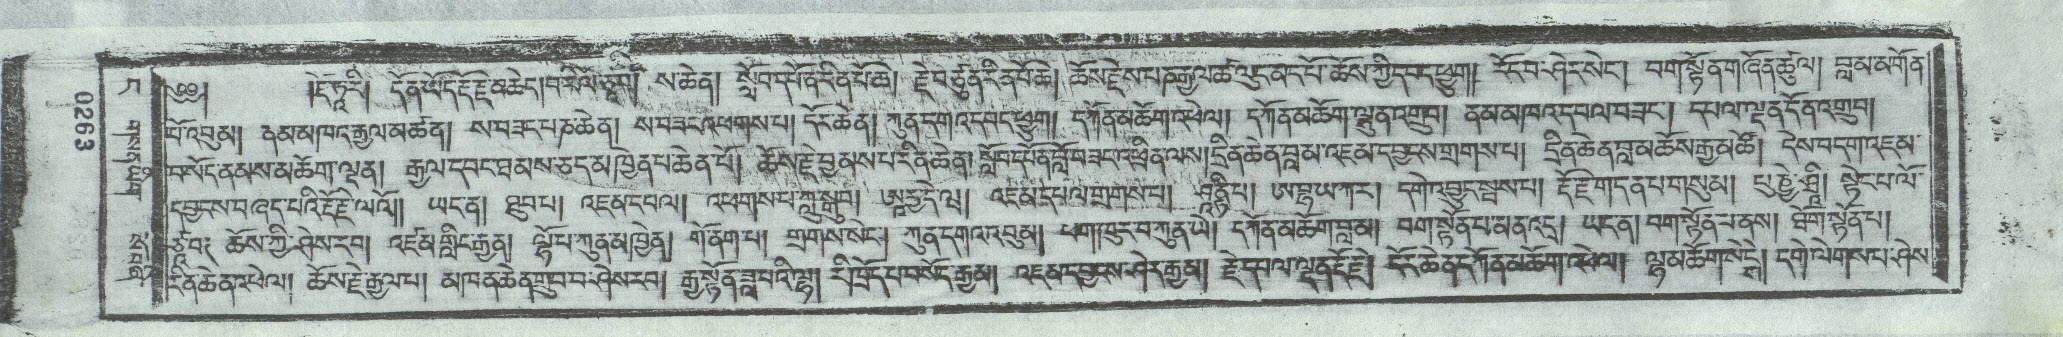༄༅། །རྗེ་ཏཱ་རི། དོན་ཡོད་རྡོ་རྗེ་མཆེད། བ་རི་ལོ་ཙཱ་བ། ས་ཆེན། སློབ་དཔོན་རིན་པོ་ཆེ། རྗེ་བཙུན་རིན་པོ་ཆེ། ཆོས་རྗེ་པཎ་རྒྱལ་ཚ་ལུང་མང་པོ་ཆོས་ཀྱི་དབང་ཕྱུག། རོང་བ་ཤེར་སེང་། བག་སྟོན་གཞོན་ཚུལ། བླ་མ་མགོན་
པོ་འབུམ། ནམ་མཁའ་རྒྱལ་མཚན། ས་བཟང་པཎ་ཆེན། ས་བཟང་འཕགས་པ། དོར་ཆེན། ཀུན་དགའ་དབང་ཕྱུག། དཀོན་མཆོག་འཕེལ། དཀོན་མཆོག་ལྡན་འགྲུབ། ནམ་མཁའ་དཔལ་བཟང་། དཔལ་ལྡན་དོན་འགྲུབ།
བསོད་ནམས་མཆོག་ལྡན། རྒྱལ་དབང་ཐམས་ཅད་མཁྱེན་པ་ཆེན་པོ། ཆོས་རྗེ་བྱམས་པ་རིན་ཆེན། སློབ་དཔོན་བློ་བཟང་འཕྲིན་ལས། དྲིན་ཆེན་བླ་མ་འཇམ་དབྱངས་གྲགས་པ། དྲིན་ཆེན་བླ་མ་ཆོས་རྒྱལ་མཚོ། དེས་བདག་འཇམ་
དབྱངས་བཞད་པའི་རྡོ་རྗེ་ལའོ།། ཡང་ན། ཐུབ་པ། འཇམ་དཔལ། འཕགས་པ་ཀླུ་སྒྲུབ། ཨཱརྱ་དེ་ཝ། འཇམ་དཔལ་གྲགས་པ། ཤཱནྟི་པ། ཨ་བྷ་ཡ་ཀ་ར། དགེ་འབྱུང་སྦས་པ། རྡོ་རྗེ་གདན་པ་གསུམ། པུཎྱེ་ཤྲཱི། སྟེང་པ་ལོ་
ཙཱ་བ། ཆོས་ཀྱི་ཤེས་རབ། འཛམ་གླིང་རྒྱན། ལྷོ་བ་ཀུན་མཁྱེན། གོ་ནག་པོ། གྲགས་སེང་། ཀུན་དགའ་འབུམ། ཕག་ཁུར་བ་ཀུན་ཡེ། དཀོན་མཆོག་བླ་མ་། བག་སྟོན་པ་མན་འདྲ། ཡང་ན། བག་སྟོན་པ་ནས། ཐོག་སྟོན་པ།
རིན་ཆེན་འཕེལ། ཆོས་རྗེ་རྒྱལ་པ། མཁན་ཆེན་གྲུབ་པ་ཤེས་རབ། རྒྱ་སྟོན་ཟླ་པའི་ལྷ། རི་ཁྲོད་བསོད་རྒྱ་མ། འཇམ་དབྱངས་ཤེར་རྒྱ་མ་རྗེ་དཔལ་ལྡན་རྡོ་རྗེ། དོར་ཆེན་དཀོན་མཆོག་འཕེལ། ལྷ་མ་ཆོག་སེངྒེ། དགེ་ལེགས་པ་ཤེས་